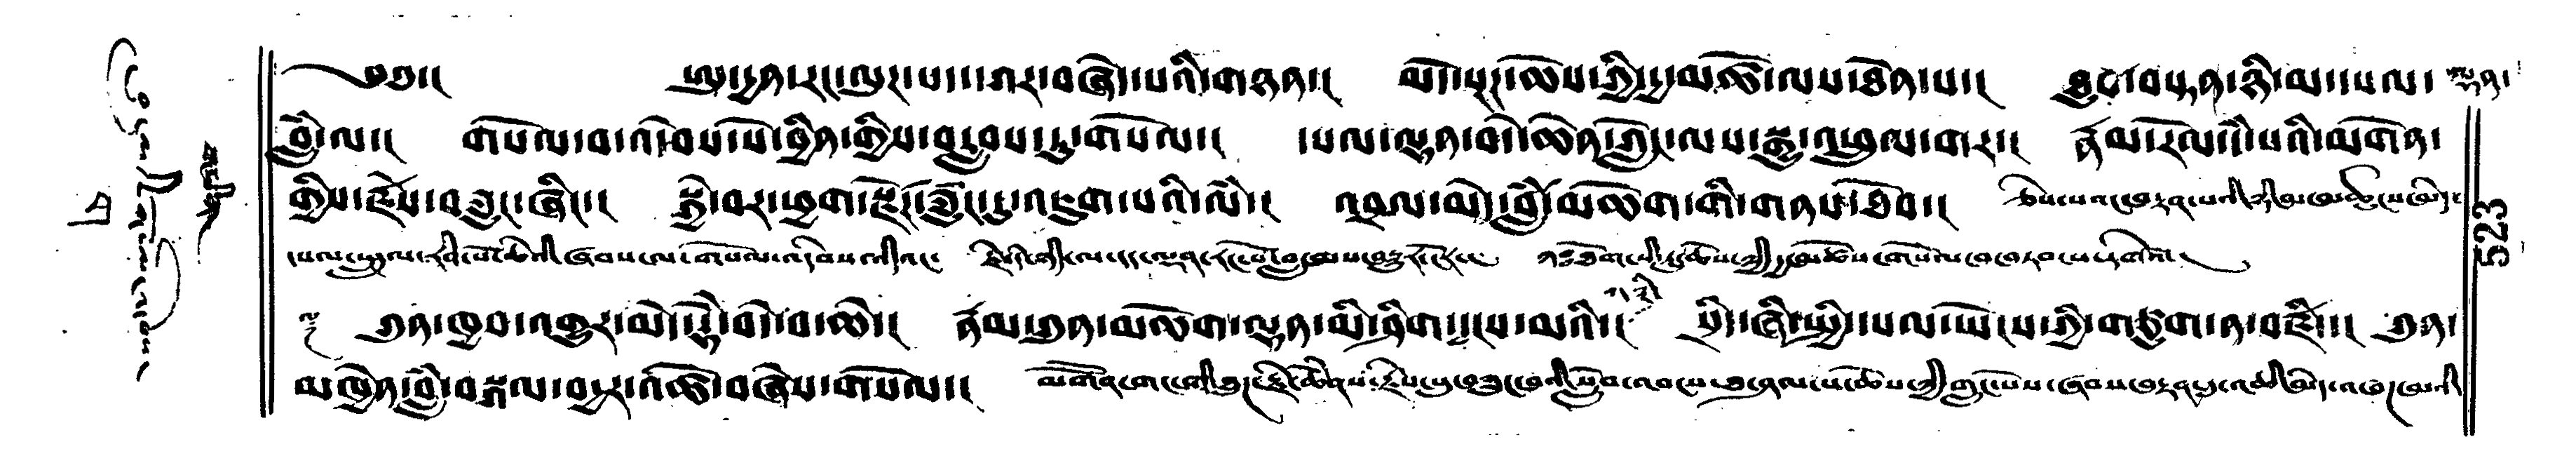ཨུ་རྒྱན་རང་ལུགས་པ་དཀར་བཞེད་པའི་གཉན། །མདོ་སྔགས་ཆོས་ཀྱི་རྒྱ་མཚོ་ལས་ཐོན་པ། །ཐུབ་བསྟན་ཉི་མ་དཔལ་ལྡན་
བླ་མ་ལ། །གསོལ་བ་འདེབས་སོ་བྱིན་གྱི་བརླབ་ཏུ་གསོལ། །དཔལ་ལྡན་བདེ་ཆེན་ཀློང་ལས་སྒྱུ་འཕྲུལ་གར། །རྣམ་རོལ་དམ་པའི་མགོན་
གྱིས་རྗེས་བཟུང་ཞིང་། །སྐྱེ་བར་ཕྱག་རྫོགས་ཟུང་དུ་འཇུག་པའི་ལམ། །འབྲལ་མེད་བླ་མ་མཆོག་གི་གནས་ཐོབ། ། ཅེས་པའང་བསྟན་པའི་ཉི་མ་མཚུངས་མེད་
དཔལ་སྤྲུལ་རིན་པོ་ཆེའི་ཞབས་ལ་གསོལ་འདེབས་འདིའང་རྗེ་དེ་ཉིད་ལ་དད་ལྡན་རང་པོ་བླ་མས་བསྐུར་ངོར་ཀཿཐོག་སི་ཏུ་ཆོས་ཀྱི་རྒྱ་མཚོས་གསོལ་བ་བཏབ་པ་དགེའོ།།
 ཀུན་ཁྱབ་འགྱུར་མེད་རྡོ་རྗེ་བདེ་བ་ཆེ། །རྣམ་ཀུན་མཆོག་ལྡན་མི་ཤིག་དྭངས་མའི་གཟིག །སྲིད་ཞི་སྤྱི་དཔལ་ཡོངས་ཀྱི་གཙུག་ན་བརྗིད། །ཀུན་
མཁྱེན་བླ་མ་བསྐལ་བརྒྱར་འཚོ་བཞེས་གསོལ། ། མགོན་པོ་གང་གི་ཐུགས་རྗེ་ཆེན་པོས་རྗེས་སུ་བཟུང་བའི་སློབ་འབངས་ཐ་ཤལ་པ་ཆོས་ཀྱི་གླང་པོས་ཞབས་བརྟན་དུ་འཆི་མེད་འཕགས་མའི་